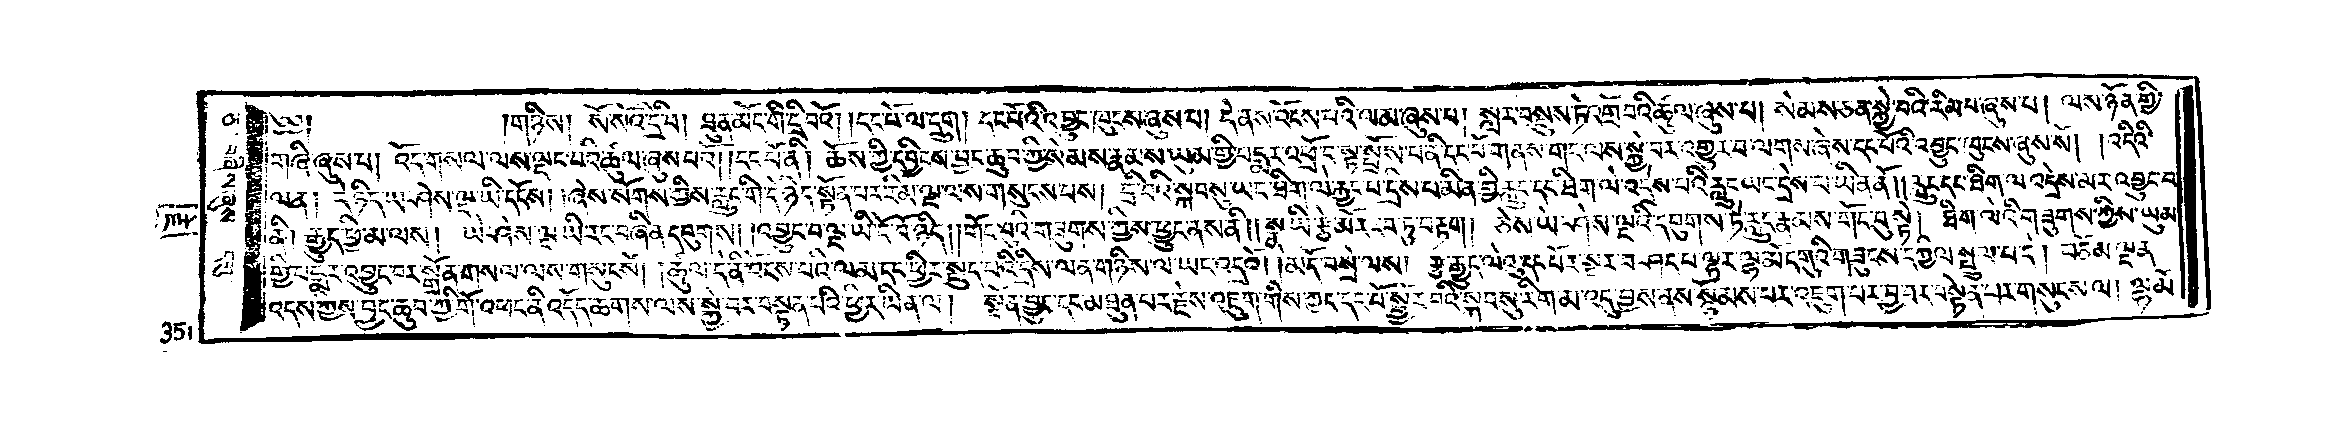༄༅། །གཉིས། སོ་སོའི་དྲི་བ། ཐུན་མོང་གི་དྲི་བའོ། །དང་པོ་ལ་དྲུག །དང་པོའི་འབྱུང་ཁུངས་ཞུས་པ། དེ་ནས་འོངས་བའི་ལམ་ཞུས་པ། སླར་བསྡུས་ཏེ་འགྲོ་བའི་ཚུལ་ཞུས་པ། སེམས་ཅན་སྐྱེ་བའི་རིམ་པ་ཞུས་པ། ལས་ཉོན་གྱི་
གཞི་ཞུས་པ། འོད་གསལ་ལས་ལྡང་བའི་ཚུལ་ཞུས་པའོ། །དང་པོ་ནི། ཆོས་ཀྱི་དབྱིངས་བྱང་ཆུབ་ཀྱི་སེམས་རྣམས་ཡུམ་གྱི་པདམར་འཕྲོ་བ་སྟེ་སྤྲོས་པ་ནི་དང་པོ་གནས་གང་ལས་སྐྱེ་བར་འགྱུར་བ་ལགས་ཞེས་དང་པོའི་འབྱུང་ཁུངས་ཞུས་སོ། །འདིའི་
ལན། དེ་ཉིད་ཡེ་ཤེས་ལྔ་ཡི་དངོས། །ཞེས་སོགས་ཀྱིས་རླུང་གི་དེ་ཉིད་སྟོན་པར་རིམ་ལྔ་ལས་གསུངས་པས། དྲི་བའི་སྐབས་སུ་ཡང་ཐིག་ལེ་རྐྱང་པ་དྲིས་པ་མིན་གྱི་རླུང་དང་ཐིག་ལེ་འདྲེས་པའི་རླུང་ཡང་དྲིས་པ་ཡིན་ནོ། །རླུང་དང་ཐིག་ལ་འདྲེས་མར་འབྱུང་བ་
ནི། རྒྱུད་ཕྱི་མ་ལས། ཡེ་ཤེས་ལྔ་ཡི་རང་བཞིན་དབུགས། །འབྱུང་བ་ལྔ་ཡི་ངོ་བོ་ཉིད། །གོང་བུའི་གཟུགས་ཀྱིས་ཕྱུང་ནས་ནི། །སྣ་ཡི་རྩེ་མོར་རབ་ཏུ་བརྟག །ཅེས་ཡེ་ཤེས་ལྔའི་དབུགས་ཏེ་རླུང་རྣམས་གོང་བུ་སྟེ། ཐིག་ལེའི་གཟུགས་ཀྱིས་ཡུམ་
གྱི་པདམར་འབྱུང་བར་སྒྲོན་གསལ་ལས་གསུངས་སོ། །ཚུལ་དེ་ནི་འོངས་པའི་ལམ་དང་ཕྱིར་སྡུད་པའི་དྲིས་ལན་གཉིས་ལ་ཡང་འདྲའོ། །མདོ་བསྲེ་ལས། རྩ་རྒྱུད་ལེའུ་དང་པོར་སྔར་བཤད་པ་ལྟར་ལྷ་མོ་དགུའི་གཟུངས་དཀྱིལ་སྤྲུལ་པ་དེ། བཅོམ་ལྡན་
འདས་ཀྱིས་བྱང་ཆུབ་ཀྱི་གོ་འཕང་ནི་འདོད་ཆགས་ལས་སྐྱེ་བར་བསྟན་པའི་ཕྱིར་ཡིན་ལ། སྔོན་བྱུང་དང་མཐུན་པར་རྗེས་འཇུག་གིས་ཀྱང་དང་པོ་སྦྱོར་བའི་སྐབས་སུ་རིག་མ་འདུ་བྱས་ནས་སྙོམས་པར་འཇུག་པར་བྱ་བར་བསྟོན་པར་གསུངས་ལ། ལྷ་མོ་